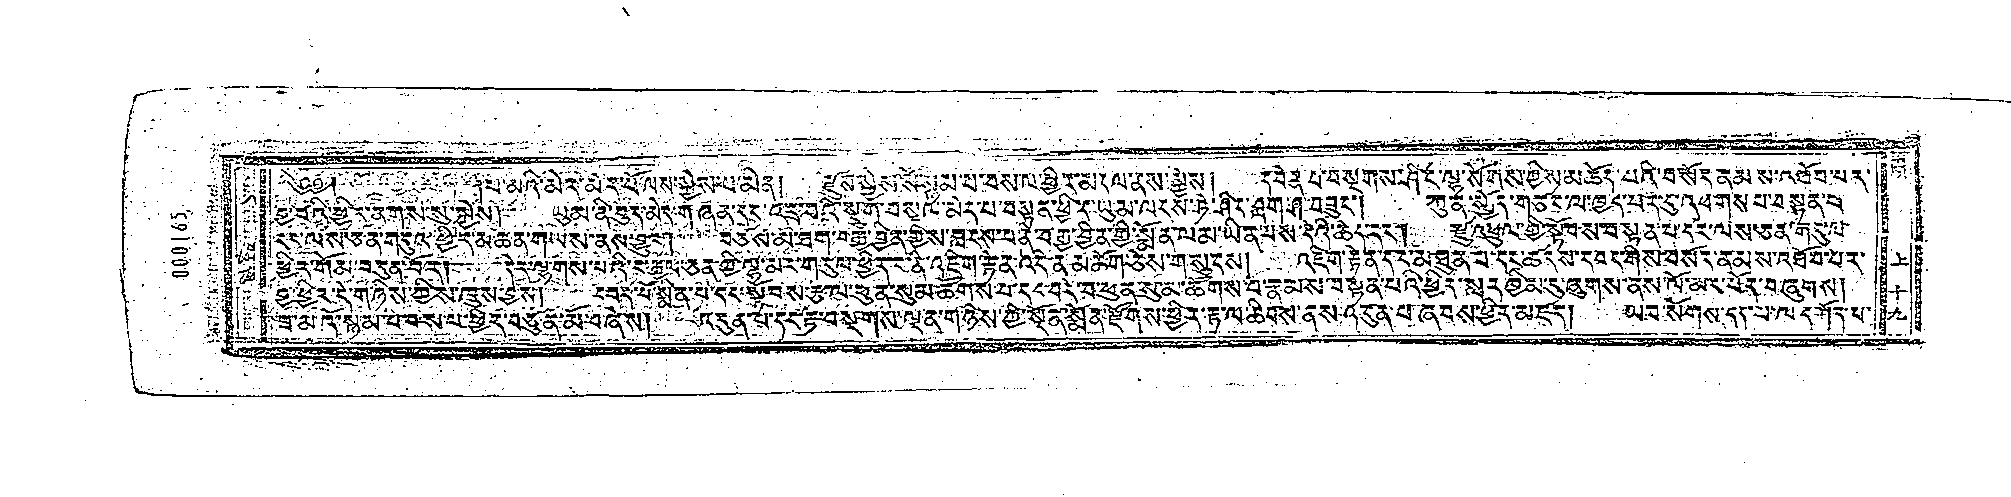༄༅། །པ་མའི་མེར་མེར་པོ་ལས་སྐྱེས་པ་མིན། རྫུས་སྐྱེས་སོ་སྙམ་པ་བསལ་ཕྱིར་མངལ་ནས་སྐྱེས། དབེན་པ་བསྔགས་ཤིང་ལྷ་སོགས་ཀྱིས་མཆོད་པའི་བསོད་ནམས་འཐོབ་པར་
བྱ་བའི་ཕྱིར་ནགས་སུ་སྐྱེས། ཡུམ་ནི་བུད་མེད་གཞན་དང་འདྲ་བའི་སྡུག་བསྔལ་མེད་པ་བསྟན་ཕྱིར་ཡུམ་ལངས་ཏེ་ཤིང་བླག་ཤ་བཟུང་། ཀུན་སྤྱོད་གཙང་ལ་ཁྱད་པར་དུ་འཕགས་བ་བསྟན་པ་
དང་ལས་ཅན་གདུལ་ཕྱིར་མཆན་གཡས་ནས་བྱུང་། བཙས་མ་ཐག་བརྒྱ་བྱིན་གྱིས་བླངས་པ་ནི་བརྒྱ་བྱིན་གྱི་སྨོན་ལམ་ཡིན་པས་དེའི་ཆེད་དང་། རྫུ་འཕྲུལ་གྱི་སྟོབས་བསྟན་པ་དང་ལས་ཅན་གདུལ་
ཕྱིར་གོམ་བདུན་བོར། དེར་ལྷགས་པའི་ང་རྒྱལ་ཅན་གྱི་ལྷ་མང་གདུལ་ཕྱིར་ང་ནི་འཇིག་རྟེན་འདི་ན་མཆོག་ཅེས་གསུངས། འཇིག་རྟེན་དང་མཐུན་པ་དང་ཚངས་དབང་གིས་བསོད་ནམས་འཐོབ་པར་
བྱ་ཕྱིར་དེ་གཉིས་ཀྱིས་ཁྲུས་བྱས། དབང་པོ་སྨིན་པ་དང་སྟོབས་རྩལ་ཕུན་སུམ་ཚོགས་པ་དང་བདེ་བ་ཕུན་སུམ་ཚོགས་པ་རྣམས་བསྟན་པའི་ཕྱིར་སླར་ཁྱིམ་དུ་ཞུགས་ནས་ལོ་མང་པོར་བཞུགས།
ཟ་མའོ་སྙམ་པ་བསལ་ཕྱིར་བཙུན་མོ་བཞེས། འདུན་པ་དང་རྟ་བསྔགས་ལྡན་གཉིས་ཀྱི་སྔོན་སྨོན་རྫོགས་ཕྱིར་རྟ་ལ་ཆིབས་ནས་འདུན་པ་ཞབས་ཕྱིར་མཛད། ཡབ་སོགས་དད་པ་ལ་དགོད་པ་